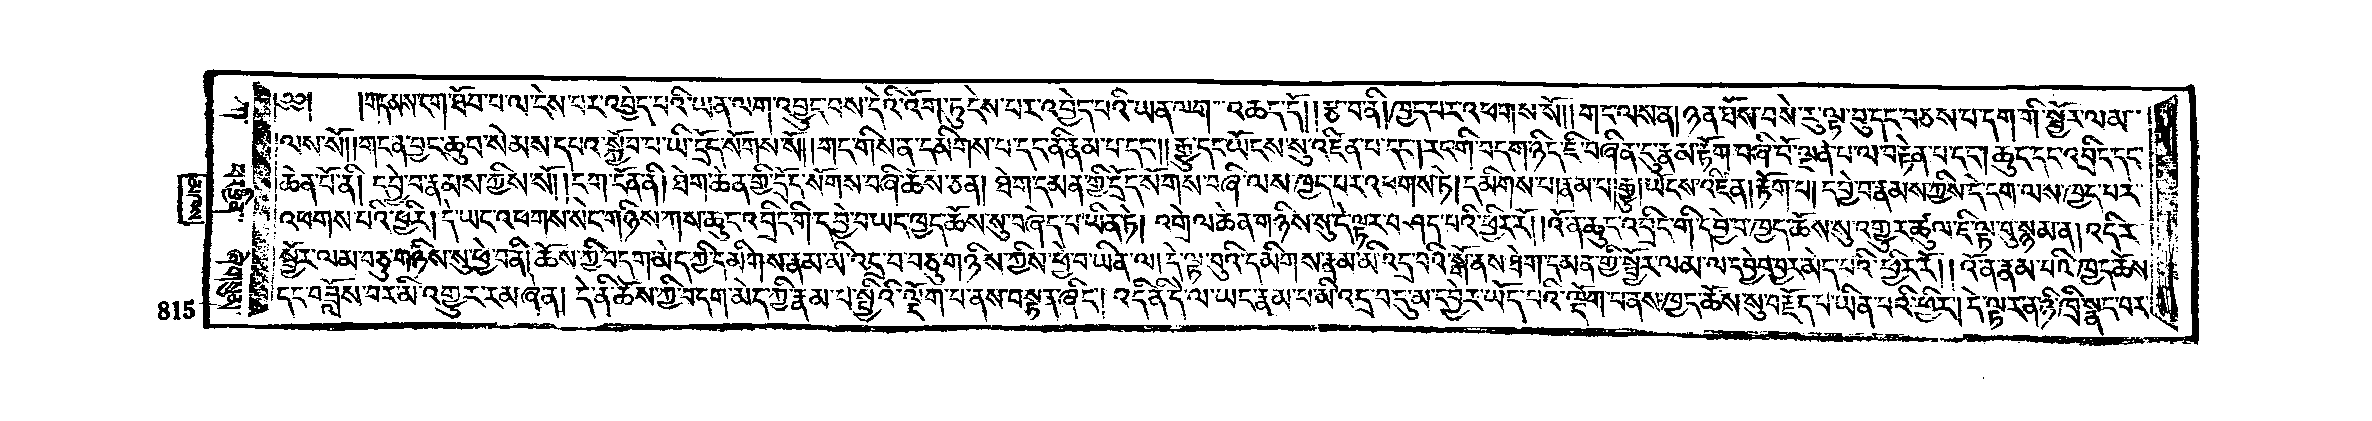༄༅། །གདམས་ངག་ཐོབ་པ་ལ་ངེས་པར་འབྱེད་པའི་ཡན་ལག་འབྱུང་བས་དེའི་འོག་ཏུ་ངེས་པར་འབྱེད་པའི་ཡན་ལག་འཆད་དོ། །རྩ་བ་ནི། ཁྱད་པར་འཕགས་སོ། །གང་ལས་ན། ཉན་ཐོས་བསེ་རུ་ལྟ་བུ་དང་བཅས་པ་དག་གི་སྦྱོར་ལམ་
ལས་སོ། །གང་ན་བྱང་ཆུབ་སེམས་དཔའ་སྐྱོབ་པ་ཡི་དྲོད་སོགས་སོ། །གང་གིས་ན་དམིགས་པ་དང་ནི་རྣམ་པ་དང་། །རྒྱུ་དང་ཡོངས་སུ་འཛིན་པ་དང་། རང་གི་བདག་ཉིད་ཇི་བཞིན་དུ་རྣམ་རྟོག་བཞི་པོ་ལྡན་པ་ལ་བརྟེན་པ་དང་། ཆུང་དང་འབྲིང་དང་
ཆེན་པོ་ནི། དབྱེ་བ་རྣམས་ཀྱིས་སོ། །ངག་དོན་ནི། ཐེག་ཆེན་གྱི་དྲོད་སོགས་བཞི་ཆོས་ཅན། ཐེག་དམན་གྱི་དྲོད་སོགས་བཞི་ལས་ཁྱད་པར་འཕགས་ཏེ། དམིགས་པ། རྣམ་པ། རྒྱུ། ཡོངས་འཛིན། རྟོག་པ། དབྱེ་བ་རྣམས་ཀྱིས་དེ་དག་ལས་ཁྱད་པར་
འཕགས་པའི་ཕྱིར། དེ་ཡང་འཕགས་སེང་གཉིས་ཀས་ཆུང་འབྲིང་གི་དབྱེ་བ་ཡང་ཁྱད་ཆོས་སུ་བཞེད་པ་ཡིན་ཏེ། འགྲེལ་ཆེན་གཉིས་སུ་དེ་ལྟར་བཤད་པའི་ཕྱིར་རོ། །འོ་ན་ཆུང་འབྲིང་གི་དབྱེ་བ་ཁྱད་ཆོས་སུ་འགྱུར་ཚུལ་ཇི་ལྟ་བུ་སྙམ་ན། འདིར་
སྦྱོར་ལམ་བཅུ་གཉིས་སུ་ཕྱེ་བ་ནི། ཆོས་ཀྱི་བདག་མེད་ཀྱི་དམིགས་རྣམ་མི་འདྲ་བ་བཅུ་གཉིས་ཀྱིས་ཕྱེ་བ་ཡིན་ལ། དེ་ལྟ་བུའི་དམིགས་རྣམ་མི་འདྲ་བའི་སྒོ་ནས་ཐེག་དམན་གྱི་སྦྱོར་ལམ་ལ་དབྱེ་བ་བྱར་མེད་པའི་ཕྱིར་རོ། །འོ་ན་རྣམ་པའི་ཁྱད་ཆོས་
དང་བཟློས་པར་མི་འགྱུར་རམ་ཞེ་ན། དེ་ནི་ཆོས་ཀྱི་བདག་མེད་ཀྱི་རྣམ་པ་སྤྱིའི་ལྡོག་པ་ནས་བསྟན་ཞིང་། འདི་ནི་དེ་ལ་ཡང་རྣམ་པ་མི་འདྲ་བ་དུ་མ་དབྱེར་ཡོད་པའི་ལྡོག་པ་ནས་ཁྱད་ཆོས་སུ་བརྗོད་པ་ཡིན་པའི་ཕྱིར། དེ་ལྟར་ན་ཉི་ཁྲི་སྣང་བར་